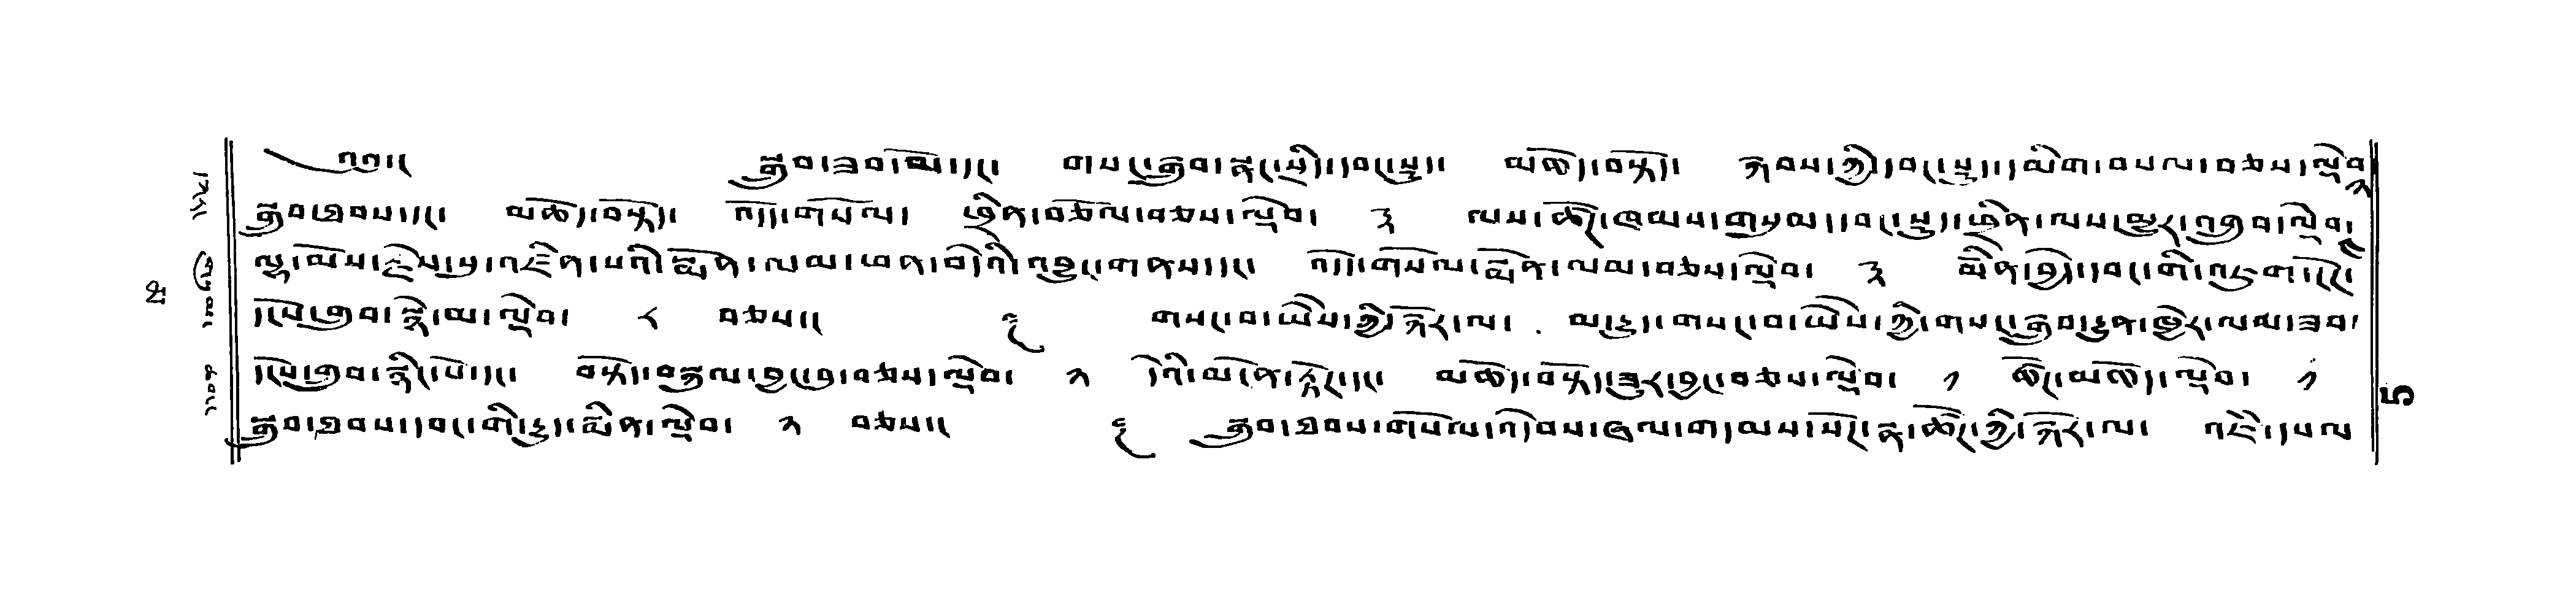སྒྲུབ་ཟབ་མོ་དང་། གསང་སྒྲུབ་སྣང་སྲིད་དབང་སྡུད།མཆོད་བསྟོད། བསྐབས་ཀྱི་དབང་སྡུད་དམིགས་བསལ་བཅས་ལྡེབ། 
སྒྲུབ་ཐབས་དང་། མཆོད་བསྟོད། འདོད་གསོལ། ཕྲིན་བཅོལ་བཅས་ལྡེབ། ལས་ཚོགས་ཁམས་གསུམ་དབང་སྡུད་ཕྲིན་ལས་མྱུར་འགྲུབ་ལྡེབ། 
ལྷ་མོས་རྗེས་སུ་འཛིན་པའི་སྨོན་ལམ་ཕན་བདེའི་འབྱུང་གནས་དང་། འདོད་གསོལ་སྨོན་ལམ་བཅས་ལྡེབ། སྨིན་བྱེད་དབང་གི་འཇུག་ངོགས་
དངོས་གྲུབ་སྙེ་མ་ལྡེབ། བཅས། ༈ གསང་བ་ཡེ་ཤེས་ཀྱི་སྐོར་ལ། མ་རྒྱུད་གསང་བ་ཡེ་ཤེས་ཀྱི་གསང་སྒྲུབ་རྒྱུན་ཁྱེར་ལམ་ཟབ་
དངོས་གྲུབ་སྙིང་པོ་དང་། བསྟོད་བསྐུལ་བྱང་བུ་བཅས་ལྡེབ། དེའི་མངོན་རྟོགས་དང་། མཆོད་བསྟོད་ཟུར་བྱང་བཅས་ལྡེབ། ཚོགས་མཆོད་ལྡེབ། 
སྒྲུབ་ཐབས་དབང་གི་རྒྱུད་སྨིན་ལྡེབ། བཅས། ༈ སྒྲུབ་ཐབས་གསོལ་འདེབས་ཞལ་གདམས་སོགས་སྣ་ཚོགས་ཀྱི་སྐོར་ལ། འཇམ་དཔལ་